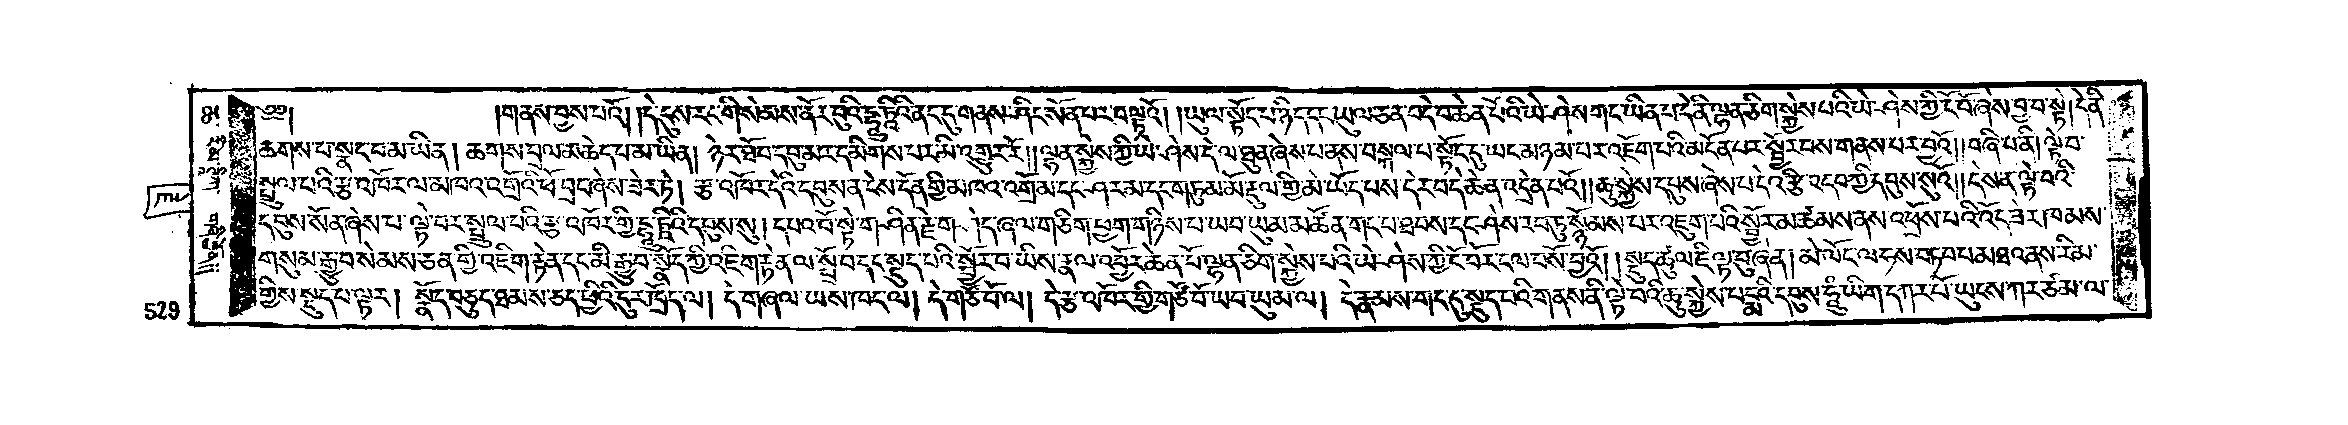༄༅། །གནས་བྱས་པའོ། །དེ་དུས་རང་གི་སེམས་ནོར་བུའི་དྷཱུ་ཏཱིའི་ནང་དུ་གནས་ཤིང་སོན་པར་བལྟའོ། །ཡུལ་སྟོང་པ་ཉིད་དང་ཡུལ་ཅན་བདེ་བ་ཆེན་པོའི་ཡེ་ཤེས་གང་ཡིན་པ་དེ་ནི་ལྷན་ཅིག་སྐྱེས་པའི་ཡེ་ཤེས་ཀྱི་ངོ་བོ་ཞེས་བྱ་བ་སྟེ། དེ་ནི་
ཆགས་པ་སྣང་བ་མ་ཡིན། ཆགས་བྲལ་མཆེད་པ་མ་ཡིན། ཉེར་ཐོབ་དབུ་མར་དམིགས་པར་མི་འགྱུར་རོ། །ལྷན་སྐྱེས་ཀྱི་ཡེ་ཤེས་དེ་ལ་ཐུན་ཞེས་པ་ནས་བསྐལ་པ་སྟོང་དུ་ཡང་མཉམ་པར་འཇོག་པའི་མངོན་པར་སྦྱོར་བས་གནས་པར་བྱའོ། །བཞི་པ་ནི། ལྟེ་བ་
སྤྲུལ་པའི་རྩ་འཁོར་ལ་མཁའ་འགྲོའི་ཕོ་བྲང་ཞེས་ཟེར་ཏེ། རྩ་འཁོར་དེའི་དབུས་ན་ངེས་དོན་གྱི་མཁའ་འགྲོ་མ་དང་ཤར་མ་དང་གཏུམ་མོ་རྡུལ་གྱི་མེ་ཡོད་པས་དེར་བདེ་ཆེན་འདྲེན་པའོ། །ཆུ་སྐྱེས་དབུས་ཞེས་པ་དེའི་རྩི་འདབ་ཀྱི་དབུས་སུའོ། །དེས་ན་ལྟེ་བའི་
དབུས་སོན་ཞེས་པ་ལྟེ་བར་སྤྲུལ་པའི་རྩ་འཁོར་གྱི་དྷཱུ་ཏཱིའི་དབུས་སུ། དཔའ་བོ་སྟེ་གཤིན་རྗེ་གཤེད་ཞལ་གཅིག་ཕྱག་གཉིས་པ་ཡབ་ཡུམ་མཚོན་གང་པ་ཐབས་དང་ཤེས་རབ་ཏུ་སྙོམས་པར་འཇུག་པའི་སྦྱོར་མཚམས་ནས་འཕྲོས་པའི་འོད་ཟེར་ཁམས་
གསུམ་རྒྱུ་བ་སེམས་ཅན་གྱི་འཇིག་རྟེན་དང་མི་རྒྱུ་བ་སྣོད་ཀྱི་འཇིག་རྟེན་ལ་སྤྲོ་བ་དང་སྡུད་པའི་སྦྱོར་བ་ཡིས་རྣལ་འབྱོར་ཆེན་པོ་ལྷན་ཅིག་སྐྱེས་པའི་ཡེ་ཤེས་ཀྱི་ངོ་བོར་ངལ་བསོ་བྱའོ། །སྡུད་ཚུལ་ཇི་ལྟ་བུ་ཞེ་ན། མེ་ལོང་ལ་ཧས་བཏབ་པ་མཐའ་ནས་རིམ་
གྱིས་སྡུད་པ་ལྟར། སྣོད་བཅུད་ཐམས་ཅད་ཕྱིའི་དུར་ཁྲོད་ལ། དེ་གཞལ་ཡས་ཁང་ལ། དེ་གཙོ་བོ་ལ། དེ་རྩ་འཁོར་གྱི་གཙོ་བོ་ཡབ་ཡུམ་ལ། དེ་རྣམས་གང་དུ་སྡུད་པའི་གནས་ནི་ལྟེ་བའི་ཆུ་སྐྱེས་པདམའི་དབུས་ཧཱུཾ་ཡིག་དཀར་པོ་ཡུངས་ཀར་ཙམ་ལ་